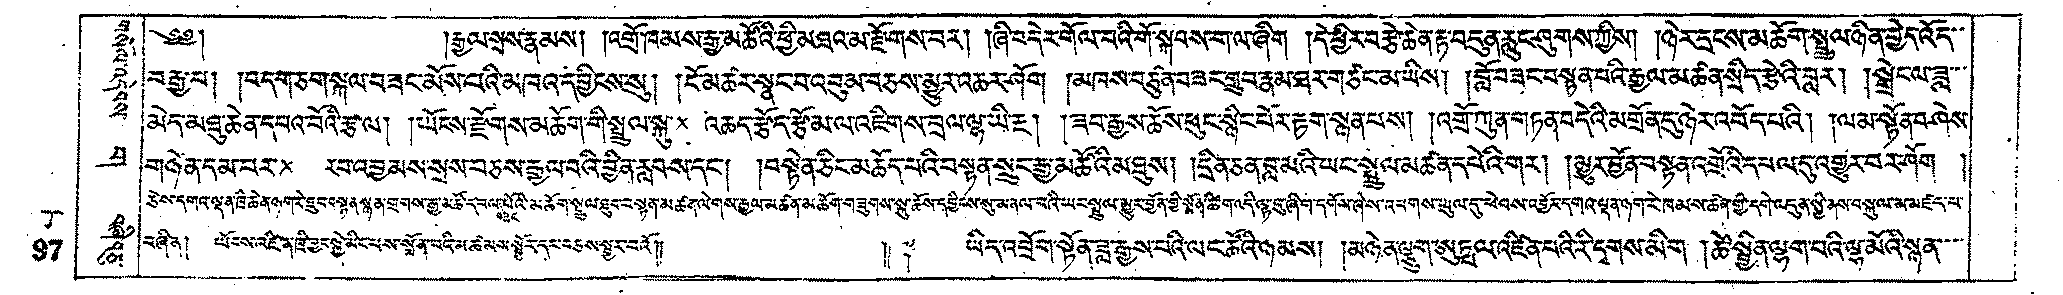༄༅། །རྒྱལ་སྲས་རྣམས། །འགྲོ་ཁམས་རྒྱ་མཚོའི་ཕྱི་མཐའ་མ་རྫོགས་བར། །ཞི་བདེར་གོལ་བའི་གོ་སྐབས་ག་ལ་ཞིག །དེ་ཕྱིར་བརྩེ་ཆེན་རྟ་བདུན་རླུང་ཤུགས་ཀྱིས། །ཉེར་དྲངས་མཆོག་སྤྲུལ་ཉིན་བྱེད་འོད་་་
བརྒྱ་པ། །བདག་ཅག་སྐལ་བཟང་མོས་པའི་མཁའ་དབྱིངས་སུ། །ངོ་མཚར་སྣང་བ་འབུམ་བཅས་མྱུར་འཆར་ཤོག །མཁས་བཙུན་བཟང་གྲུབ་རྣམ་ཐར་གཙང་མ་ཡིས། །བློ་བཟང་བསྟན་པའི་རྒྱལ་མཚན་སྲིད་རྩེའི་བླར། །སྒྲེང་ལ་ཟླ་་་
མེད་མཐུ་ཆེན་དཔའ་བོའི་རྩལ། །ཡོངས་རྫོགས་མཆོག་གི་སྤྲུལ་སྐུ་྾་འཆད་རྩོད་རྩོམ་ལ་འཇིགས་བྲལ་ལྷ་ཡི་རྔ། །ཟབ་རྒྱས་ཆོས་ཕུང་སྙིང་པོར་རྟག་སྙན་པས། །འགྲོ་ཀུན་གཏན་བདེའི་མགྲོན་དུ་ཉེར་འབོད་པའི། །ལམ་སྟོན་བཤེས་
གཉེན་དམ་པར་྾་རབ་འབྱམས་སྲས་བཅས་རྒྱལ་བའི་བྱིན་རླབས་དང་། །བསྟེན་ཅིང་མཆོད་པའི་བསྟན་སྲུང་རྒྱ་མཚོའི་མཐུས། །དྲིན་ཅན་བླ་མའི་ཡང་སྤྲུལ་མཚན་དཔེའི་གར། །མྱུར་བྱོན་བསྟན་འགྲོའི་དཔལ་དུ་འགྱུར་བར་ཤོག །
ཅེས་དགའ་ལྡན་ཁྲི་ཆེན་ཉག་རེ་ཐུབ་བསྟན་སྙན་གྲགས་རྒྱ་མཚོ་དཔལ་བཟང་པོའི་མཆོག་སྤྲུལ་ཐུབ་བསྟན་མཚན་ལེགས་རྒྱལ་མཚན་མཆོག་གཟུགས་སྐུ་ཆོས་དབྱིངས་སུ་མནལ་བའི་ཡང་སྤྲུལ་མྱུར་བྱོན་གྱི་སྨོན་ཚིག་འདི་ལྟ་བུ་ཞིག་དགོས་ཞེས་འཕགས་ཡུལ་དུ་ཕེབས་འབྱོར་དགའ་ལྡན་ཉག་རེ་ཁམས་ཚན་གྱི་དགེ་འདུན་སྤྱི་ནས་བསྐུལ་མ་མཛད་པ་
བཞིན། ཡོངས་འཛིན་ཁྲི་བྱང་སྐྱེ་མིང་པས་སྨོན་པའི་མཚམས་སྦྱོར་དང་བཅས་སྦྱར་བའོ།། །། འ་ཡིད་འཕྲོག་སྟོན་ཟླ་རྒྱས་པའི་ལང་ཚོའི་ཉམས། །མཉེན་ལྕུག་ཨུཏྤལ་འཛིན་པའི་རི་དྭགས་མིག །ཚེ་སྦྱིན་ལྷག་པའི་ལྷ་མོའི་སྙན་་་